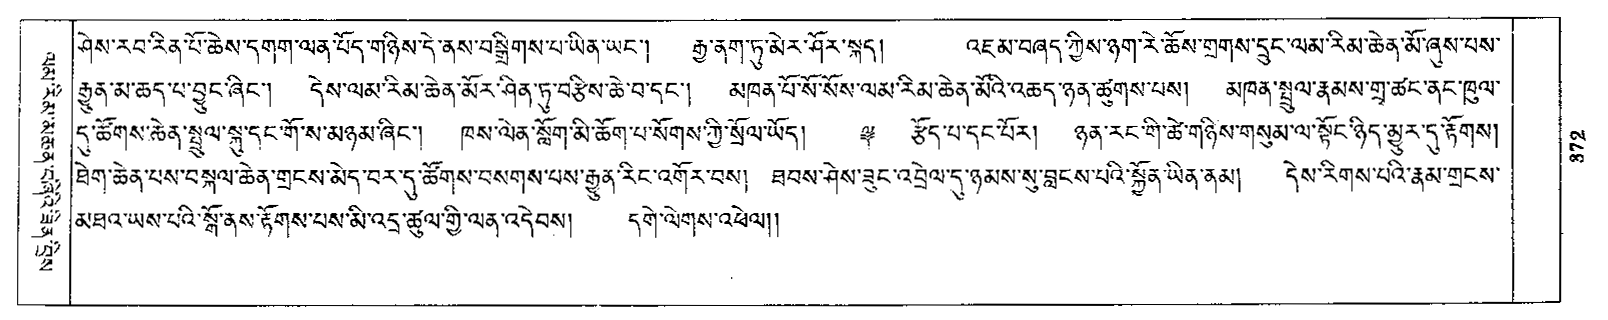ཤེས་རབ་རིན་པོ་ཆེས་དགག་ལན་པོད་གཉིས་དེ་ནས་བསྒྲིགས་པ་ཡིན་ཡང་། རྒྱ་ནག་ཏུ་མེར་ཤོར་སྐད། འཇམ་བཞད་ཀྱིས་ཉག་རེ་ཆོས་གྲགས་དྲུང་ལམ་རིམ་ཆེན་མོ་ཞུས་པས་
རྒྱུན་མ་ཆད་པ་བྱུང་ཞིང་། དེས་ལམ་རིམ་ཆེན་མོར་ཤིན་ཏུ་བརྩིས་ཆེ་བ་དང་། མཁན་པོ་སོ་སོས་ལམ་རིམ་ཆེན་མོའི་འཆད་ཉན་ཚུགས་པས། མཁན་སྤྲུལ་རྣམས་གྲྭ་ཚང་ནང་ཁུལ་
དུ་ཚོགས་ཆེན་སྤྲུལ་སྐུ་དང་གོ་ས་མཉམ་ཞིང་། ཁས་ལེན་སློག་མི་ཆོག་པ་སོགས་ཀྱི་སྲོལ་ཡོད། ༈ རྩོད་པ་དང་པོར། ཉན་རང་གི་ཚེ་གཉིས་གསུམ་ལ་སྟོང་ཉིད་མྱུར་དུ་རྟོགས།
ཐེག་ཆེན་པས་བསྐལ་ཆེན་གྲངས་མེད་བར་དུ་ཚོགས་བསགས་པས་རྒྱུན་རིང་འགོར་བས། ཐབས་ཤེས་ཟུང་འབྲེལ་དུ་ཉམས་སུ་བླངས་པའི་སྐྱོན་ཡིན་ནམ། དེས་རིགས་པའི་རྣམ་གྲངས་
མཐའ་ཡས་པའི་སྒོ་ནས་རྟོགས་པས་མི་འདྲ་ཚུལ་གྱི་ལན་འདེབས། དགེ་ལེགས་འཕེལ།།